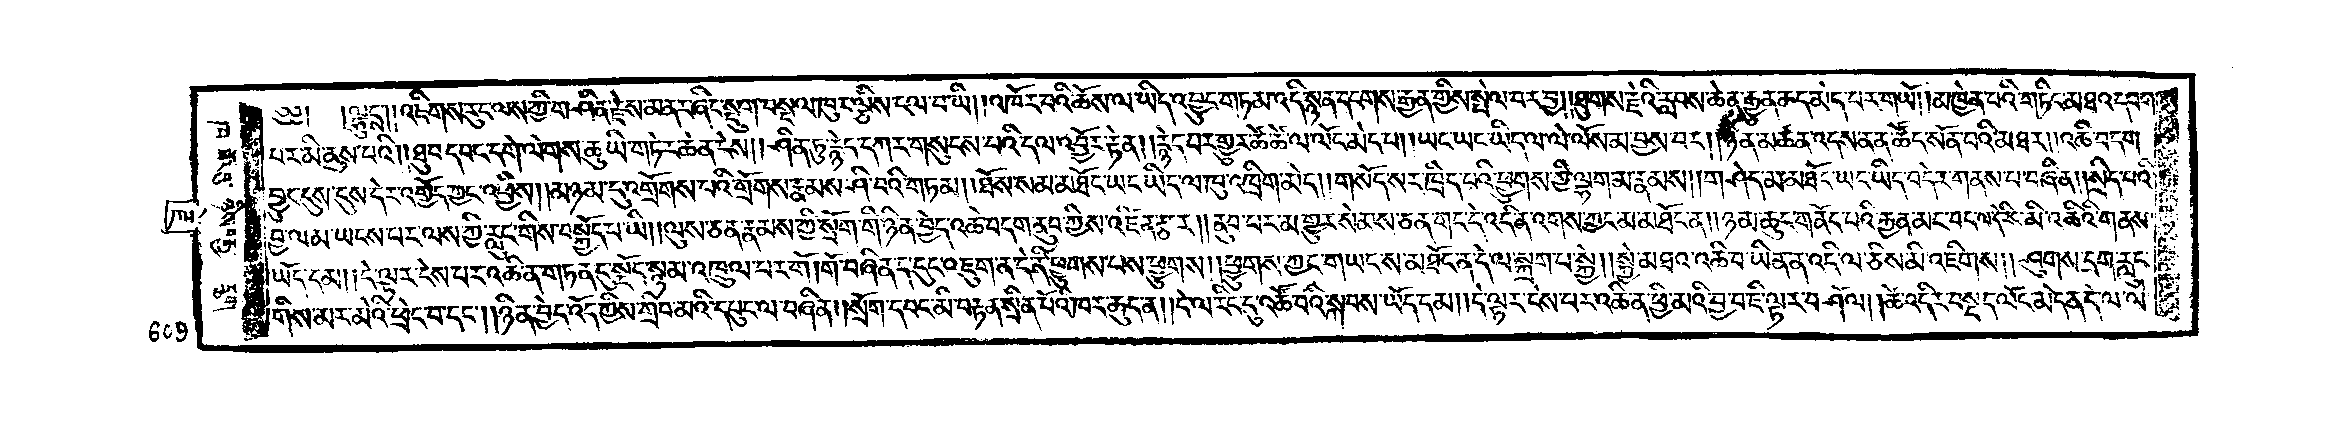༄༅། །ལྷུངས། །འཇིགས་རུང་ལས་ཀྱི་གཤིན་རྗེས་མནར་ཞིང་སྡུག་བསྔལ་ཁུར་ལྕིས་ངལ་བ་ཡི། །འཁོར་བའི་ཆོས་ལ་ཡིད་འབྱུང་གཏམ་འདི་སྙན་དངགས་རྒྱན་གྱིས་སྤེལ་བར་བྱ། །ཐུགས་རྗེའི་རླབས་ཆེན་རྒྱུན་ཆད་མེད་པར་གཡོ། །མཁྱེན་པའི་གཏིང་མཐའ་དཔག་
པར་མི་ནུས་པའི། །ཐུབ་དབང་དགེ་ལེགས་ཆུ་ཡི་གཏེར་ཆེན་ངེས། །ཤིན་ཏུ་རྙེད་དཀར་གསུངས་པའི་དལ་འབྱོར་རྟེན། །རྙེད་པར་གྱུར་ཚེ་ཚེ་ལ་ལོང་མེད་པ། །ཡང་ཡང་ཡིད་ལ་ལེ་ལོས་མ་བྱས་བར། །ཉིན་མཚན་འདས་ན་ན་ཚོད་སོན་པའི་མཐར། །འཆི་བདག་
བྱུང་དུས་དུས་དེར་འགྱོད་ཀྱང་འཕྱིས། །མཉམ་དུ་འགྲོགས་པའི་གྲོགས་རྣམས་ཤི་བའི་གཏམ། །ཐོས་སམ་མཐོང་ཡང་ཡིད་ལ་ཁུ་འཁྲིག་མེད། །གསོད་སར་ཁྲིད་པའི་ཕྱུགས་ཀྱི་ལྷག་མ་རྣམས། །གཤེད་མ་མཐོང་ཡང་ཡིད་བདེར་གནས་པ་བཞིན། །སྲིད་པའི་
བྱ་ལམ་ཡངས་པར་ལས་ཀྱི་རླུང་གིས་བསྐྱོད་པ་ཡི། །ལུས་ཅན་རྣམས་ཀྱི་སྲོག་གི་ཉིན་བྱེད་འཆི་བདག་ནུབ་ཀྱིས་འཛིན་རྩར། །ནུབ་པར་མ་གྱུར་སེམས་ཅན་གང་དེ་འདི་ན་འགས་ཀྱང་མ་མཐོང་ན། །ཉམ་ཆུང་གནོད་པའི་རྐྱེན་མང་བདག་ལ་དེ་རིང་མི་འཆིའི་གནས་
ཡོད་དམ། །དེ་ལྟར་ངེས་པར་འཆི་ན་གཏན་དུ་སྡོད་སྙམ་འཁྲུལ་པར་གོ །གོ་བཞིན་ད་དུང་འཇུག་ན་དེ་ནི་ཕྱུགས་པས་ཕྱུགས། །ཕྱུགས་ཀྱང་གཡང་ས་མཐོང་ན་དེ་ལ་སྐྲག་པ་སྐྱེ། །སྐྱེ་མཐའ་འཆི་བ་ཡིན་ན་འདི་ལ་ཅིས་མི་འཇིགས། །ཤུགས་དྲག་རླུང་
གིས་མར་མེའི་ཕྲེང་བ་དང་། །ཉིན་བྱེད་འོད་ཀྱིས་གྲིབ་མའི་དཔུང་ལ་བཞིན། །སྲོག་དབང་མི་བརྟན་སྲིན་པོའི་ཁར་ཆུད་ན། །དེ་ལ་རིང་དུ་འཚོ་བའི་སྐབས་ཡོད་དམ། །དེ་ལྟར་ངེས་པར་འཆི་ན་ཕྱི་མའི་བྱ་བ་ཇི་ལྟར་བཤོལ། །ཚེ་འདིར་བསྡད་ལོང་མེད་ན་དེ་ལ་ལེ་